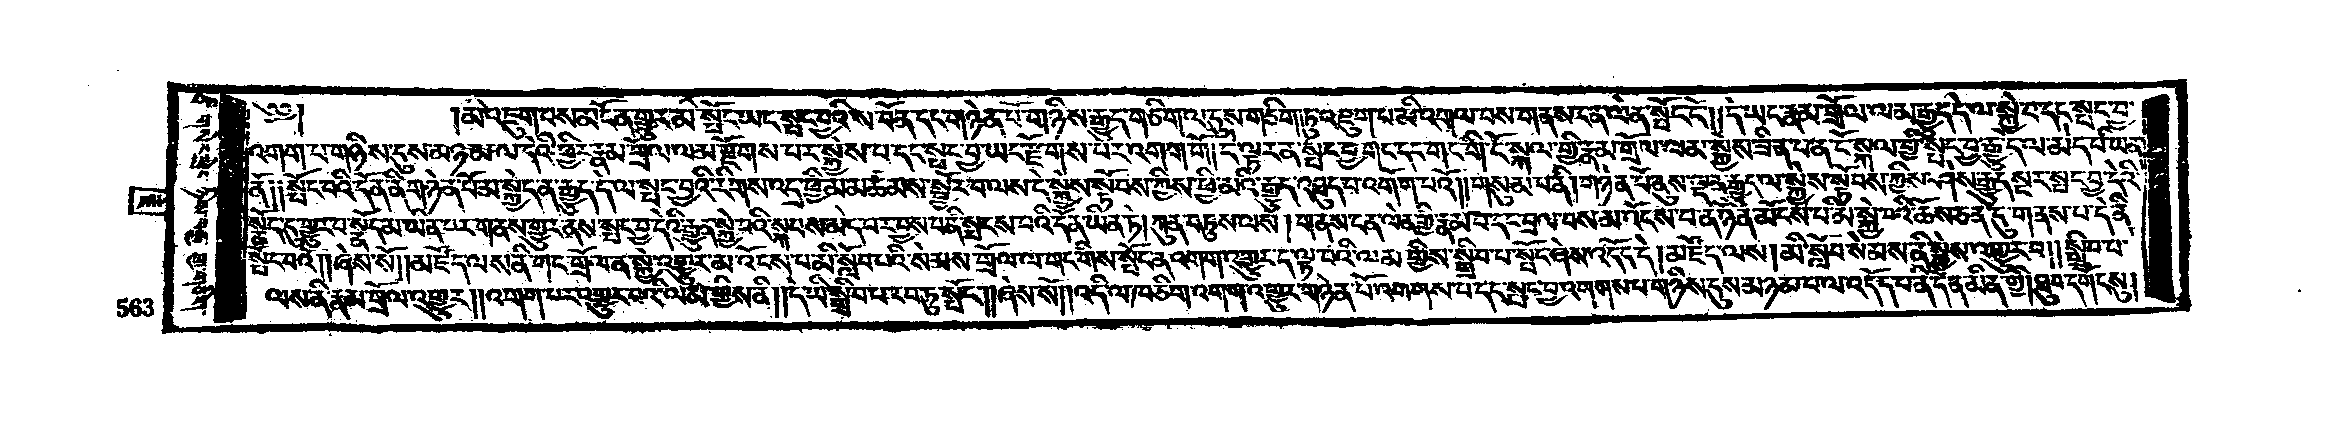༄༅། །མི་འཇུག་པས་མངོན་གྱུར་མི་སྤོང་ཡང་སྤང་བྱའི་ས་བོན་དང་གཉེན་པོ་གཉིས་རྒྱུད་གཅིག་ལ་དུས་གཅིག་ཏུ་འཇུག་པ་མི་འགལ་བས་གནས་ངན་ལེན་སྤོང་ངོ། །དེ་ཡང་རྣམ་གྲོལ་ལམ་རྒྱུད་དེ་ལ་སྐྱེ་བ་དང་སྤང་བྱ་
འགག་པ་གཉིས་དུས་མཉམ་ལ་དེའི་ཕྱིར་རྣམ་གྲོལ་ལམ་རྫོགས་པར་སྐྱེས་པ་དང་སྤང་བྱ་ཡང་རྫོགས་པར་འགག་གོ །དེ་ལྟར་ན་སྤང་བྱ་གང་དང་གང་གི་ངོ་སྐལ་གྱི་རྣམ་གྲོལ་ལམ་སྐྱེས་ཟིན་པ་ན་ངོ་སྐལ་གྱི་སྤང་བྱ་རྒྱུ་དེ་ལ་མེད་པ་ཡིན་
ནོ། །སྤོང་བའི་དོན་ནི་གཉེན་པོ་མ་སྐྱེད་ན་རྒྱུད་དེ་ལ་སྤང་བྱའི་རིགས་འདྲ་ཕྱི་མ་མཚམས་སྦྱོར་བ་ལས་དེ་སྐྱེས་སྟོབས་ཀྱིས་ཕྱི་མའི་རྒྱུད་འཐུད་པ་འགོག་པའོ། །གསུམ་པ་ནི། གཉེན་པོ་ནུས་ལྡན་རྒྱུད་ལ་སྐྱེས་སྟོབས་ཀྱིས་ཤེས་རྒྱུད་སྔར་སྤང་བྱ་དེའི་
སྣོད་དུ་གྱུར་པ་སྣོད་མ་ཡིན་པར་གནས་གྱུར་ནས་སྤང་བྱ་དེའི་རྒྱུན་སྐྱེ་བའི་སྐབས་མེད་པར་བྱས་པ་ནི་སྤངས་པའི་དོན་ཡིན་ཏེ། ཀུན་བཏུས་ལས། གནས་ངན་ལེན་གྱི་རྣམ་པ་དང་བྲལ་བས་མ་འོངས་པ་ན་ཉོན་མོངས་པ་མི་སྐྱེ་བའི་ཆོས་ཅན་དུ་གནས་པ་དེ་ནི་
སྤོང་བའོ། །ཞེས་སོ། །མཛོད་ལས་ནི་གང་གྲོལ་ན་སྐྱེ་འགྱུར་མ་འོངས་པ་མི་སློབ་པའི་སེམས་གྲོལ་ལ་གང་གིས་སྤོང་ན་འགག་འགྱུར་ད་ལྟ་བའི་ལམ་གྱིས་སྒྲིབ་པ་སྤོང་ཞེས་འདོད་དེ། མཛོད་ལས། མི་སློབ་སེམས་ནི་སྐྱེས་འགྱུར་བ། །སྒྲིབ་པ་
ལས་ནི་རྣམ་གྲོལ་འགྱུར། །འགག་པར་འགྱུར་བའི་ལམ་གྱིས་ནི། །དེ་ཡི་སྒྲིབ་པ་རབ་ཏུ་སྤོང་། །ཞེས་སོ། །འདི་ལ་ཁ་ཅིག་འགག་འགྱུར་གཉེན་པོ་འགགས་པ་དང་སྤང་བྱ་འགགས་པ་གཉིས་དུས་མཉམ་པ་ལ་འདོད་པ་ནི་དོན་མིན་གྱི། ཐུབ་དགོངས་སུ།